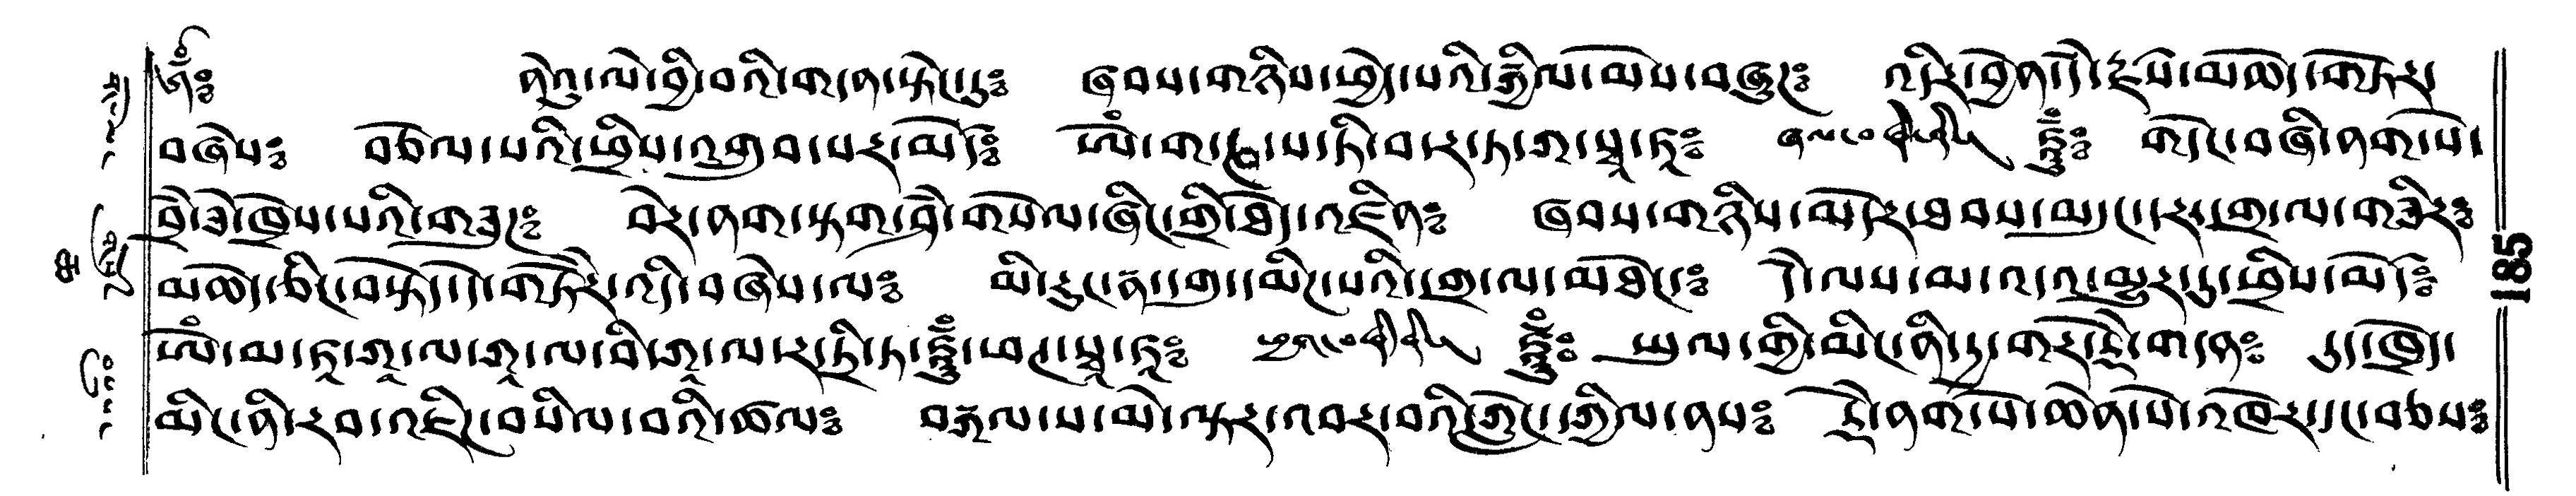ནེའུ་ལེ་བྱི་བའི་གདན་སྟེང་དུ༔ ཞབས་གཉིས་ཕྱེད་པའི་སྐྱིལ་མོས་བཞུགས༔ འདིར་བྱོན་དམ་རྫས་མཆོད་གཏོར་
བཞེས༔ བཅོལ་པའི་ཕྲིན་ལས་འགྲུབ་པར་མཛོད༔ ཨོཾ་ག་ཎ་པ་ཏི་བ་ར་ཏ་ཀ་སྭ་ཧཱ༔ ཞལ་བཞི་ནི། ཧཱུྃ༔ གདོང་བཞི་ནག་པོ་
བྲམ་ཟེ་ཁྲོས་པའི་གཟུགས༔ བེར་ནག་སྟག་ཤམ་གསོལ་ཞིང་གྲི་ཐོད་འཛིན༔ཞབས་གཉིས་དོར་སྟབས་མདུང་དར་གྲ་ལ་གཟིར༔ 
མཆོད་ཅིང་བསྟོད་དོ་གཏོར་མ་འདི་བཞེས་ལ༔ མི་རུང་སྣ་དགུ་དམིགས་པའི་དགྲ་ལ་ཐོངས༔ དམ་ལས་མ་འདའ་མྱུར་དུ་ཕྲིན་ལས་མཛོད༔ 
ཨོཾ་མ་ཧཱ་ཀཱ་ལ་ཀཱ་ལ་བི་ཀཱ་ལ་ར་ཏྲི་ཧཱུྃ་ཕཊ་སྭ་ཧཱ༔ ཕྱག་བཞི་ནི། ཧཱུྃ༔ ཡུལ་གྱི་མིང་ནི་རྒྱ་གར་རྡོ་རྗེ་གདན༔ དུད་ཁྲོད་
མིང་ནི་རབ་འཇིགས་བསིལ་བའི་ཚལ༔ བསྐལ་པ་མེ་ལྟར་འབར་བའི་ཀློང་དཀྱིལ་ནས༔ རྡོ་རྗེ་ནག་པོ་ཆེན་པོ་འཁོར་དང་བཅས༔